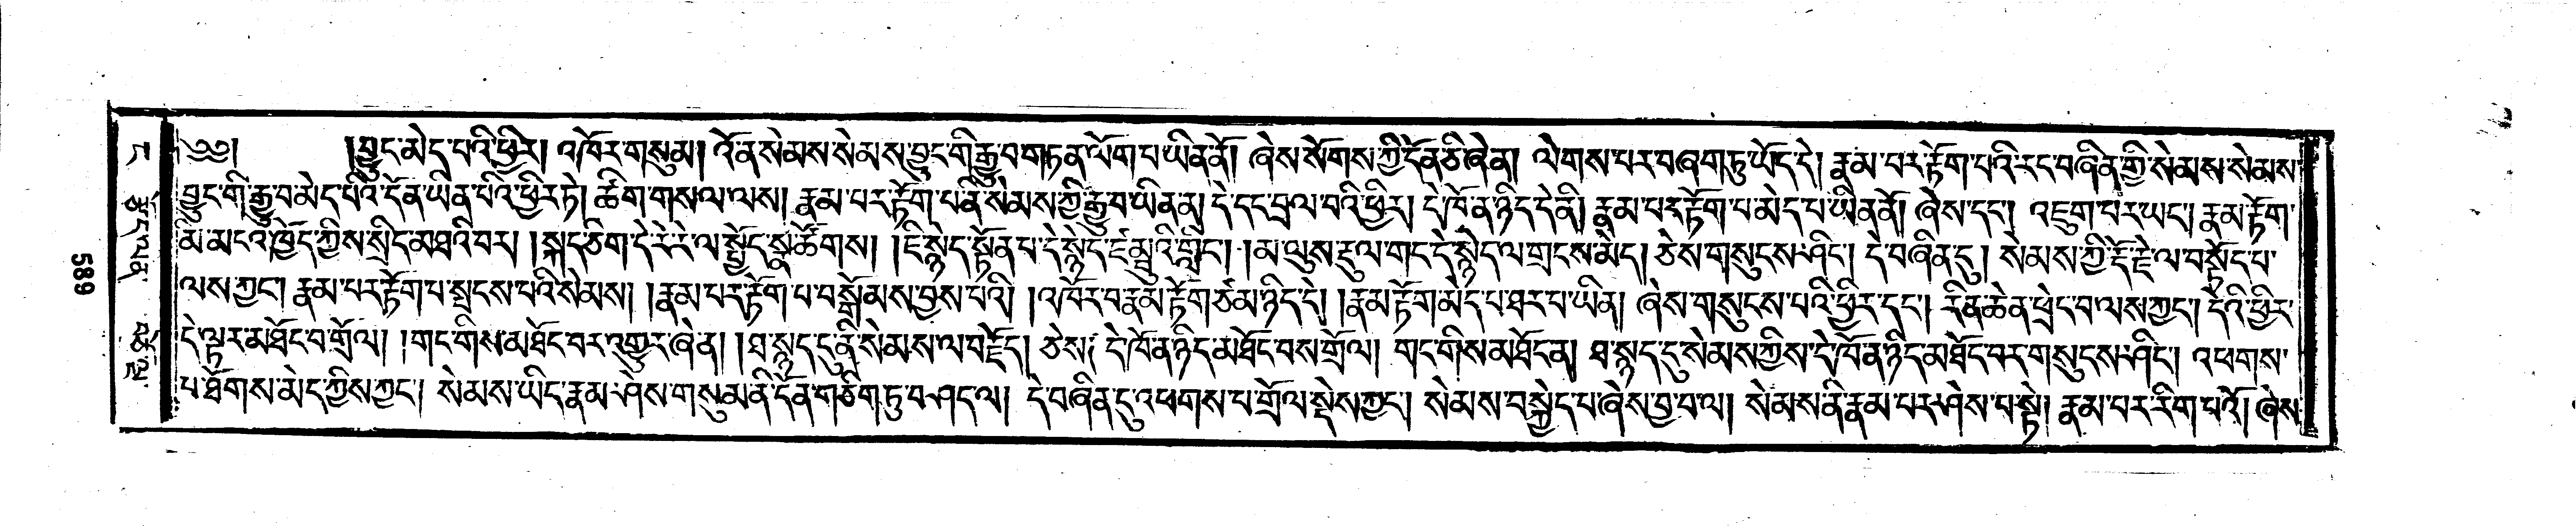༄༅། །བྱུང་མེད་པའི་ཕྱིར། འཁོར་གསུམ། འོ་ན་སེམས་སེམས་བྱུང་གི་རྒྱུ་བ་གཏན་ལོག་པ་ཡིན་ནོ། ཞེས་སོགས་ཀྱི་དོན་ཅི་ཞེ་ན། ལེགས་པར་བཞག་ཏུ་ཡོད་དེ། རྣམ་པར་རྟོག་པའི་རང་བཞིན་གྱི་སེམས་སེམས་
བྱུང་གི་རྒྱུ་བ་མེད་པའི་དོན་ཡིན་པའི་ཕྱིར་ཏེ། ཚིག་གསལ་ལས། རྣམ་པར་རྟོག་པ་ནི་སེམས་ཀྱི་རྒྱུ་བ་ཡིན་ན། དེ་དང་བྲལ་བའི་ཕྱིར། དེ་ཁོ་ན་ཉིད་དེ་ནི། རྣམ་པར་རྟོག་པ་མེད་པ་ཡིན་ནོ། ཞེས་དང་། འཇུག་པར་ཡང་། རྣམ་རྟོག་
མི་མངའ་ཁྱོད་ཀྱིས་སྲིད་མཐའི་བར། །སྐད་ཅིག་དེ་རེ་རེ་ལ་སྤྱོད་སྣ་ཚོགས། །ཇི་སྙེད་སྟོན་པ་དེ་སྙེད་ཛམྦུའི་གླིང་། །མ་ལུས་རྡུལ་གང་དེ་སྙེད་ལ་གྲངས་མེད། ཅེས་གསུངས་ཤིང་། དེ་བཞིན་དུ། སེམས་ཀྱི་རྡོ་རྗེ་ལ་བསྟོད་པ་
ལས་ཀྱང་། རྣམ་པར་རྟོག་པ་སྤངས་པའི་སེམས། །རྣམ་པར་རྟོག་པ་བསྒོམས་བྱས་པའི། །འཁོར་བ་རྣམ་རྟོག་ཙམ་ཉིད་དེ། །རྣམ་རྟོག་མེད་པ་ཐར་པ་ཡིན། ཞེས་གསུངས་པའི་ཕྱིར་དང་། རིན་ཆེན་ཕྲེང་བ་ལས་ཀྱང་། དེའི་ཕྱིར་
དེ་ལྟར་མཐོང་བ་གྲོལ། །གང་གིས་མཐོང་བར་འགྱུར་ཞེ་ན། །ཐ་སྙད་དུ་ནི་སེམས་ལ་བརྗོད། ཅེས། དེ་ཁོ་ན་ཉིད་མཐོང་བས་གྲོལ། གང་གིས་མཐོང་ན། ཐ་སྙད་དུ་སེམས་ཀྱིས་དེ་ཁོ་ན་ཉིད་མཐོང་བར་གསུངས་ཤིང་། འཕགས་
པ་ཐོགས་མེད་ཀྱིས་ཀྱང་། སེམས་ཡིད་རྣམ་ཤེས་གསུམ་ནི་དོན་གཅིག་ཏུ་བཤད་ལ། དེ་བཞིན་དུ་འཕགས་པ་གྲོལ་སྟེས་ཀྱང་། སེམས་བསྐྱེད་པ་ཞེས་བྱ་བ་ལ། སེམས་ནི་རྣམ་པར་ཤེས་པ་སྟེ། རྣམ་པར་རིག་པའོ། ཞེས་